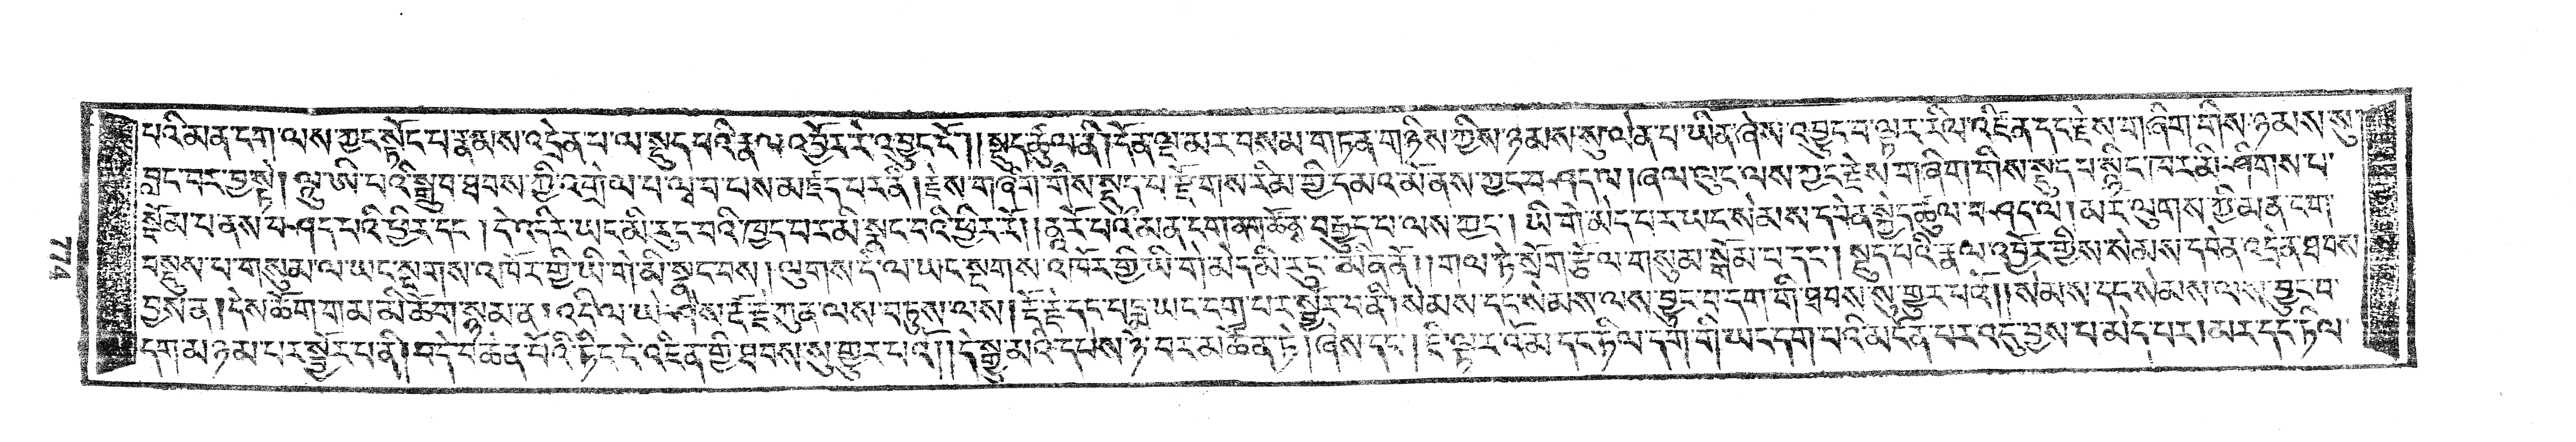པའི་མན་ངག་ལས་ཀྱང་སྟོང་པ་རྣམས་འདྲེན་པ་ལ་སྡུད་པའི་རྣལ་འབྱོར་རེ་འབྱུང་ངོ། །སྡུད་ཚུལ་ནི། དོན་ལྔ་མར་བསམ་གཏན་གཉིས་ཀྱིས་ཉམས་སུ་ལེན་པ་ཡིན་ཞེས་འབྱུང་བ་ལྟར་རིལ་འཛིན་དང་རྗེས་གཞིག་གིས་ཉམས་སུ་
བླང་བར་བྱ་སྟེ། ལཱུ་ཨི་པའི་སྒྲུབ་ཐབས་ཀྱི་འགྲེལ་པ་ལྭ་བ་པས་མཛད་པར་ནི། རྗེས་གཞིག་གིས་སྡུད་པ་རྫོགས་རིམ་གྱི་དམའ་མོ་ནས་ཀྱང་བཤད་ལ། ཞལ་ལུང་ལས་ཀྱང་རྗེས་གཞིག་གིས་སྡུད་པ་སྙིང་ཁར་མི་ཤིགས་པ་
སྡོམ་པ་ནས་བཤད་པའི་ཕྱིར་དང་། དེ་འདིར་ཡང་མི་རུང་བའི་ཁྱད་པར་མི་སྣང་བའི་ཕྱིར་རོ། །ནཱ་རོ་པའི་མན་ངག་ནག་ཚོ་ནས་བརྒྱུད་པ་ལས་ཀྱང་། ཡི་གེ་མེད་པར་ཡང་སེམས་དབེན་སྐྱེད་ཚུལ་བཤད་ལ། མར་ལུགས་ཀྱི་མན་ངག་
བསྡུས་པ་གསུམ་ལ་ཡང་སྔགས་འཁོར་གྱི་ཡི་གེ་མི་སྣང་བས། ལུགས་དེ་ལ་ཡང་སྔགས་འཁོར་གྱི་ཡི་གེ་མེད་མི་རུང་མིན་ནོ། །གལ་ཏེ་སྲོག་རྩོལ་གསུམ་སྒོམ་པ་དང་། སྡུད་པའི་རྣལ་འབྱོར་གྱིས་སེམས་དབེན་འདྲེན་ཐབས་
བྱས་ན། དེས་ཆོག་གམ་མི་ཆོག་སྙམ་ན། འདི་ལ་ཡེ་ཤེས་རྡོ་རྗེ་ཀུན་ལས་བཏུས་ལས། རྡོ་རྗེ་དང་པདམ་ཡང་དག་པར་སྦྱོར་བ་ནི། སེམས་དང་སེམས་ལས་བྱུང་བ་དག་གི་ཐབས་སུ་གྱུར་པའོ། །སེམས་དང་སེམས་ལས་བྱུང་བ་
དག་མཉམ་པར་སྦྱོར་པ་ནི། བདེ་བ་ཆེན་པོའི་ཏིང་ངེ་འཛིན་གྱི་ཐབས་སུ་གྱུར་པའོ། །དེ་སྒྱུ་མའི་དཔེས་ཉེ་བར་མཚོན་ཏེ། ཞེས་དང་། ཇི་ལྟར་འོ་མ་དང་ཏིལ་དག་གི་ཡང་དག་པའི་མངོན་པར་འདུ་བྱས་པ་མེད་པར། མར་དང་ཏིལ་